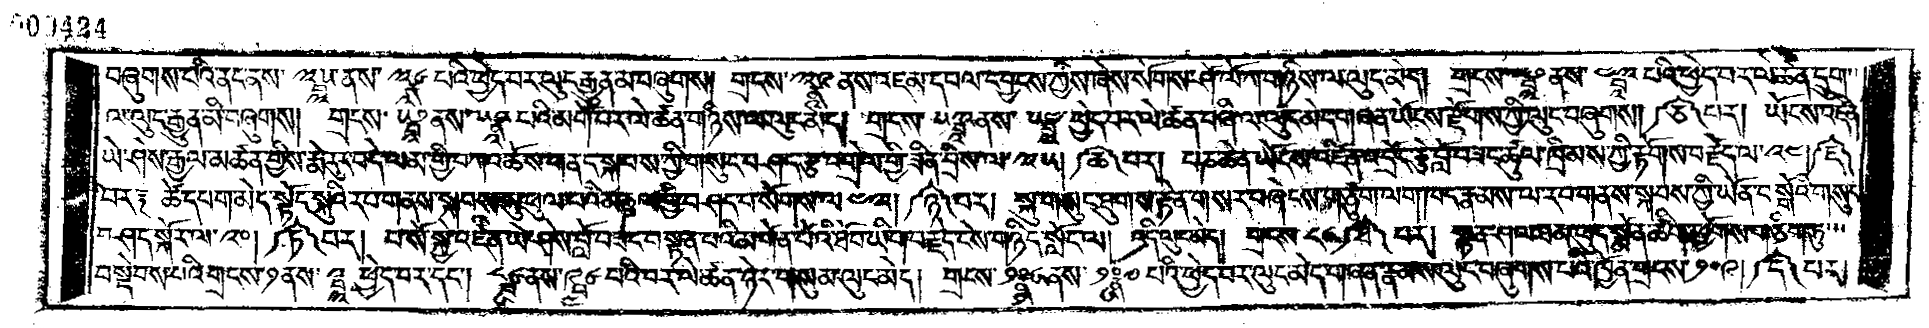བཞུགས་པའི་ནང་ནས ༣༥བ༣་ནས ༣༦ན༢་པའི་ཕྱེད་བར་ལུང་རྒྱུན་མ་བཞུགས། གྲངས ༣༩ན༩་ནས་འཇམ་དཔལ་དབྱངས་ཀྱིས་ཞེས་སོགས་ཤོ་ལོ་ཀ་གཉིས་ལ་ལུང་མེད། གྲངས ༤༠བ༣་ནས ༤༣བ༢་པའི་ཕྱེད་བར་ལེ་ཆེན་དྲུག་
ལ་ལུང་རྒྱུན་མི་བཞུགས། གྲངས ༥༡བ༢་ནས ༥༢ན༢་པའི་མགོ་བར་ལེ་ཚན་གཉིས་ལ་ལུང་མེད། གྲངས ༥༣བ༢་ནས ༥༤བ༣་ཕྱེད་བར་ལེ་ཚན་བཞི་ལ་ལུང་མེད་གཞན་ཡོངས་རྫོགས་ཀྱི་ལུང་བཞུགས། ༼ཅ༽ པར། ཡོངས་འཛིན་
ཡེ་ཤེས་རྒྱལ་མཚན་གྱིས་རྨེ་རུར་བདེ་ལམ་གྱི་བཀའ་ཆོས་གནང་སྐབས་ཀྱི་གསུང་བཤད་རྩ་འགྲེལ་གྱི་ཟིན་བྲིས་ལ ༣༤། ༼ཆ༽ པར། པཎ་ཆེན་ཡོངས་འཛིན་འབྲོད་རྩེ་བློ་བཟང་ཚུལ་ཁྲིམས་ཀྱི་རྟོགས་བརྗོད་ལ ༢༤། ༼ཇ༽
པར༑ ཚེ་དཔག་མེད་སྟོང་སྐུའི་རབ་གནས་སྐབས་སུ་ཕུལ་པའི་མཎྜལ་གྱི་བཤད་པ་སོགས་ལ ༤༣། ༼ཉ༽ པར། སྐུ་གསུང་ཐུགས་རྟེན་གསར་བཞེངས་གཙུགས་ལག་ཁང་རྣམས་ལ་རབ་གནས་སྐབས་ཀྱི་ཡོན་བསྒོའི་གསུང་
བཤད་སྐོར་ལ ༢༠། ༼ཏ༽ པར། པ་སོ་སྐྱེ་འཛིན་ཡེ་ཤེས་བློ་བཟང་བསྟན་པའི་མགོན་པོའི་ཐོབ་ཡིག་བརྗེད་ངེས་གཉིད་སློང་ལ་༡༠ན ༦་འདི་ལུང་མེད། གྲངས ༨༦ ༼ཐ༽ པར། སྙན་ཤལ་ཐམ་ཕུད་སྨོན་ཚིག་ཕྱོགས་གཅིག་ཏུ་
བསྡེབས་པའི་གྲངས ༡་ནས ༢བ༣་ཕྱེད་བར་དང་། ༨༦བ༦་ནས ༩༦བ༤་པའི་བར་ལེ་ཚན་ཉེར་གསུམ་ལུང་མེད། གྲངས ༡༠༦ན༡་ནས ༡༠༧ན༦་པའི་ཕྱེད་བར་ལུང་མེད་གཞན་རྣམས་ལུང་བཞུགས་པའི་ཁྱོན་གྲངས ༡༠༩། ༼ད༽ པར།